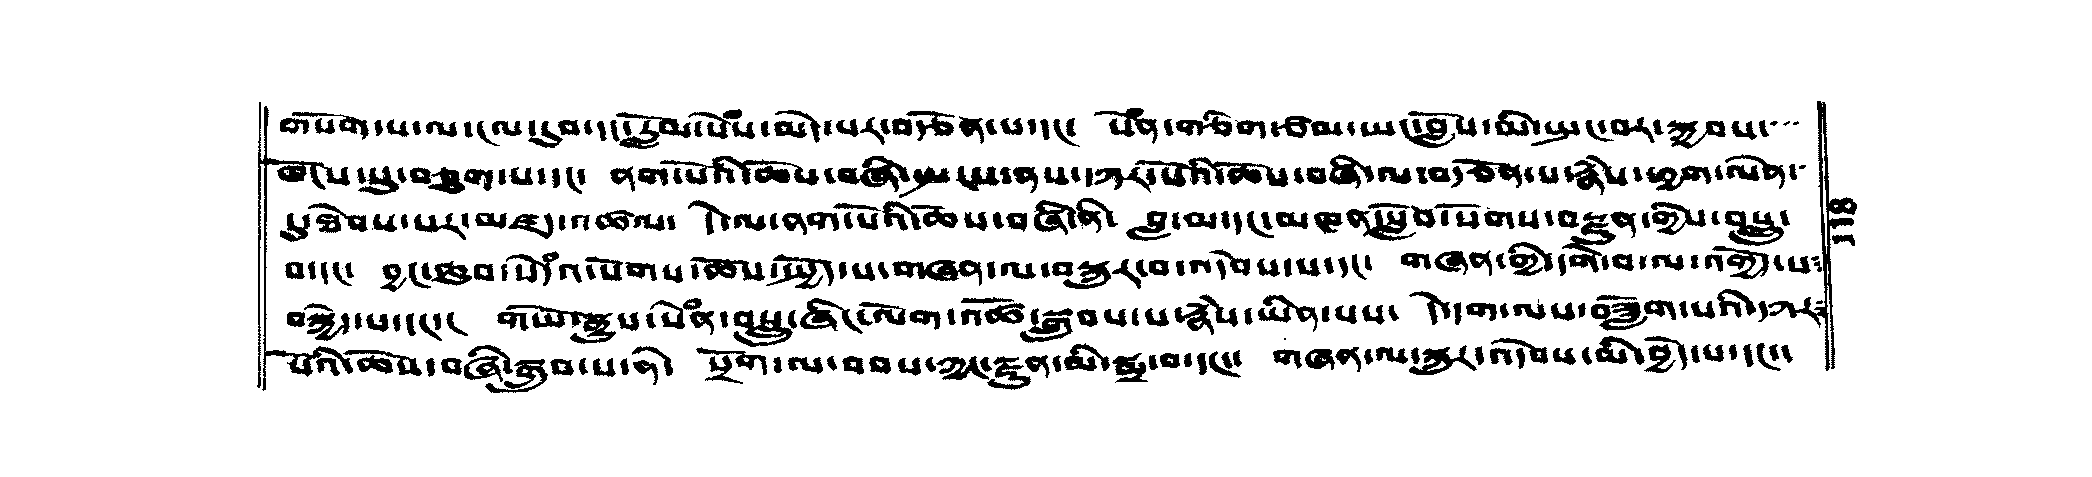གསོག་པ་ལ་ངལ་དུབ་དང་རློམ་སེམས་མེད་པར་བརྩོན་པ་དང་། སེམས་ཅན་གཅིག་ཙམ་ཡང་བློས་མི་སྤང་བར་སྐྱབས་
ཁོངས་སུ་བཅུག་པ་དང་། ནག་པོའི་ཆོས་བཞི་སྤངས་ནས་དཀར་པོའི་ཆོས་བཞི་ལ་བརྩོན་པ་རྣམས་ཕྱག་ལེན་
དུ་ཐེབས་པར་མཛད་འཚལ། དེ་ལ་ནག་པོའི་ཆོས་བཞིན་ནི། བླ་མ་དང་མཁན་སློབ་སོགས་བརྫུན་གྱིས་བསླུ་
བ་དང་། བྱང་ཆུབ་སེམས་དཔའ་སོགས་ཆོས་སྤྱོད་པ་གཞན་ལ་བསྐུར་བ་འདེབས་པ་དང་། གཞན་གྱི་དགེ་བ་ལ་འགྱོད་པ་
བསྐྱེད་པ་དང་། གཡོ་སྒྱུས་སེམས་ཅན་བསླུ་ཞིང་ལོག་འཚོ་སྒྲུབ་པ་རྣམས་ཡིན་པས། དེ་དག་ལས་བཟློག་པའི་དཀར་
པོའི་ཆོས་བཞི་སྒྲུབ་པ་ནི། སྲོག་ལ་བབས་ཀྱང་རྫུན་མི་སྨྲ་བ་དང་། གཞན་ལ་སྐུར་འདེབས་མི་བྱེད་པ་དང་།